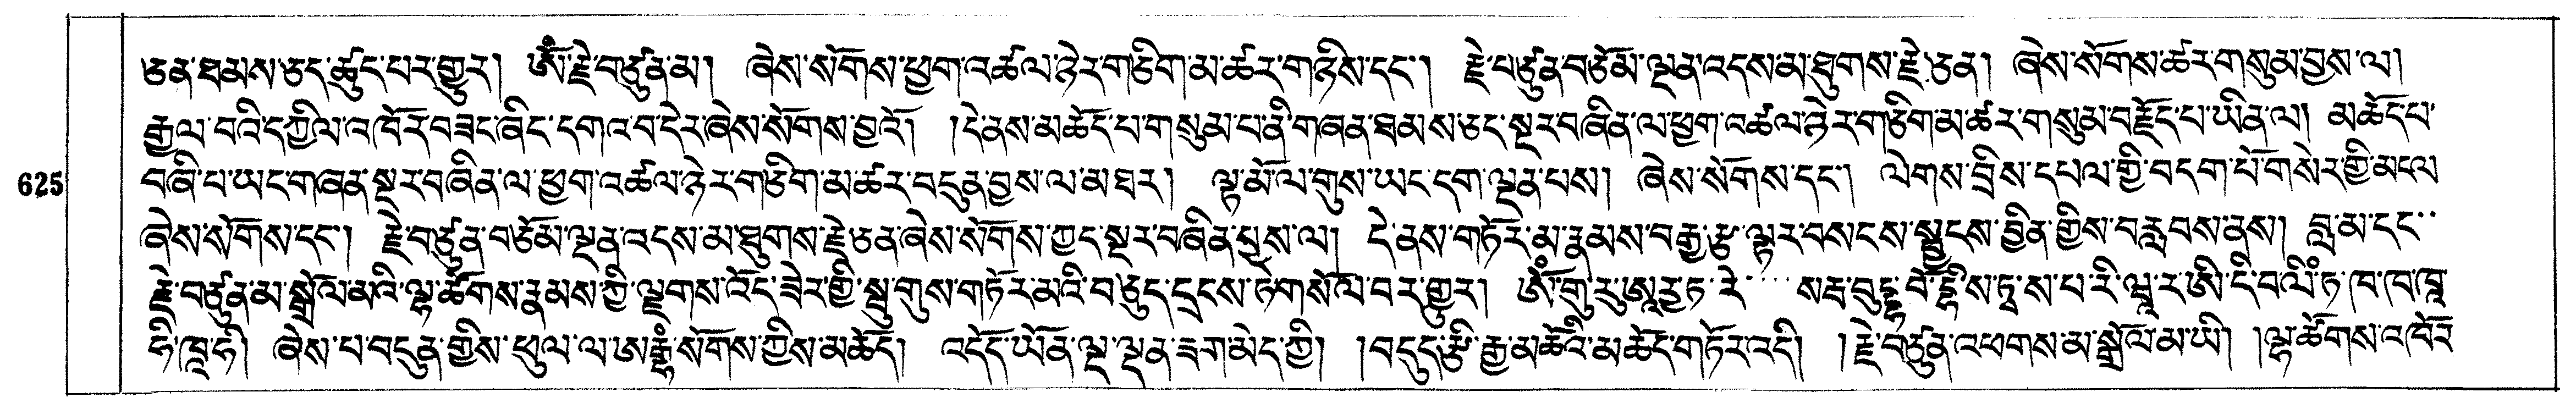ཅན་ཐམས་ཅད་ཚུད་པར་གྱུར། ཨོཾ་རྗེ་བཙུན་མ། ཞེས་སོགས་ཕྱག་འཚལ་ཉེར་གཅིག་མ་ཚར་གཉིས་དང་། རྗེ་བཙུན་བཅོམ་ལྡན་འདས་མ་ཐུགས་རྗེ་ཅན། ཞེས་སོགས་ཚར་གསུམ་བྱས་ལ།
རྒྱལ་བའི་དཀྱིལ་འཁོར་བཟང་ཞིང་དགའ་བ་དེར་ཞེས་སོགས་བྱའོ། །དེ་ནས་མཆོད་པ་གསུམ་པ་ནི་གཞན་ཐམས་ཅད་སྔར་བཞིན་ལ་ཕྱག་འཚལ་ཉེར་གཅིག་མ་ཚར་གསུམ་བརྗོད་པ་ཡིན་ལ། མཆོད་པ་
བཞི་པ་ཡང་གཞན་སྔར་བཞིན་ལ་ཕྱག་འཚལ་ཉེར་གཅིག་མ་ཚར་བདུན་བྱས་ལ་མཐར། ལྟ་མོ་ལ་གུས་ཡང་དག་ལྡན་པས། ཞེས་སོགས་དང་། ལེགས་བྲིས་དཔལ་གྱི་བདག་པོ་གསེར་གྱི་མངལ་
ཞེས་སོགས་དང་། རྗེ་བཙུན་བཅོམ་ལྡན་འདས་མ་ཐུགས་རྗེ་ཅན་ཞེས་སོགས་ཀྱང་སྔར་བཞིན་བྱས་ལ། དེ་ནས་གཏོར་མ་རྣམས་བརྒྱ་རྩ་ལྟར་བསངས་སྦྱངས་བྱིན་གྱིས་བརླབས་ནས། བླ་མ་དང་
རྗེ་བཙུན་མ་སྒྲོལ་མའི་ལྷ་ཚོགས་རྣམས་ཀྱི་ལྗགས་འོད་ཟེར་གྱི་སྦུ་གུས་གཏོར་མའི་བཅུད་དྲངས་ཏེ་གསོལ་བར་གྱུར། ཨོཾ་གུ་རུ་ཨཱརྱ་ཏ་རེ་སརྦ་བུདྡྷ་བོ་དྷི་ས་ཏྭ་ས་པ་རི་ཝཱ་ར་ཨི་དི་བ་ལིཾ་ཏ་ཁ་ཁ་ཁཱ་
ཧི་ཁཱ་ཧི། ཞེས་པ་བདུན་གྱིས་ཕུལ་ལ་ཨརྒྷཾ་སོགས་ཀྱིས་མཆོད། འདོད་ཡོན་ལྔ་ལྡན་ཟག་མེད་ཀྱི། །བདུད་རྩི་རྒྱ་མཚོའི་མཆོད་གཏོར་འདི། །རྗེ་བཙུན་འཕགས་མ་སྒྲོལ་མ་ཡི། །ལྷ་ཚོགས་འཁོར་